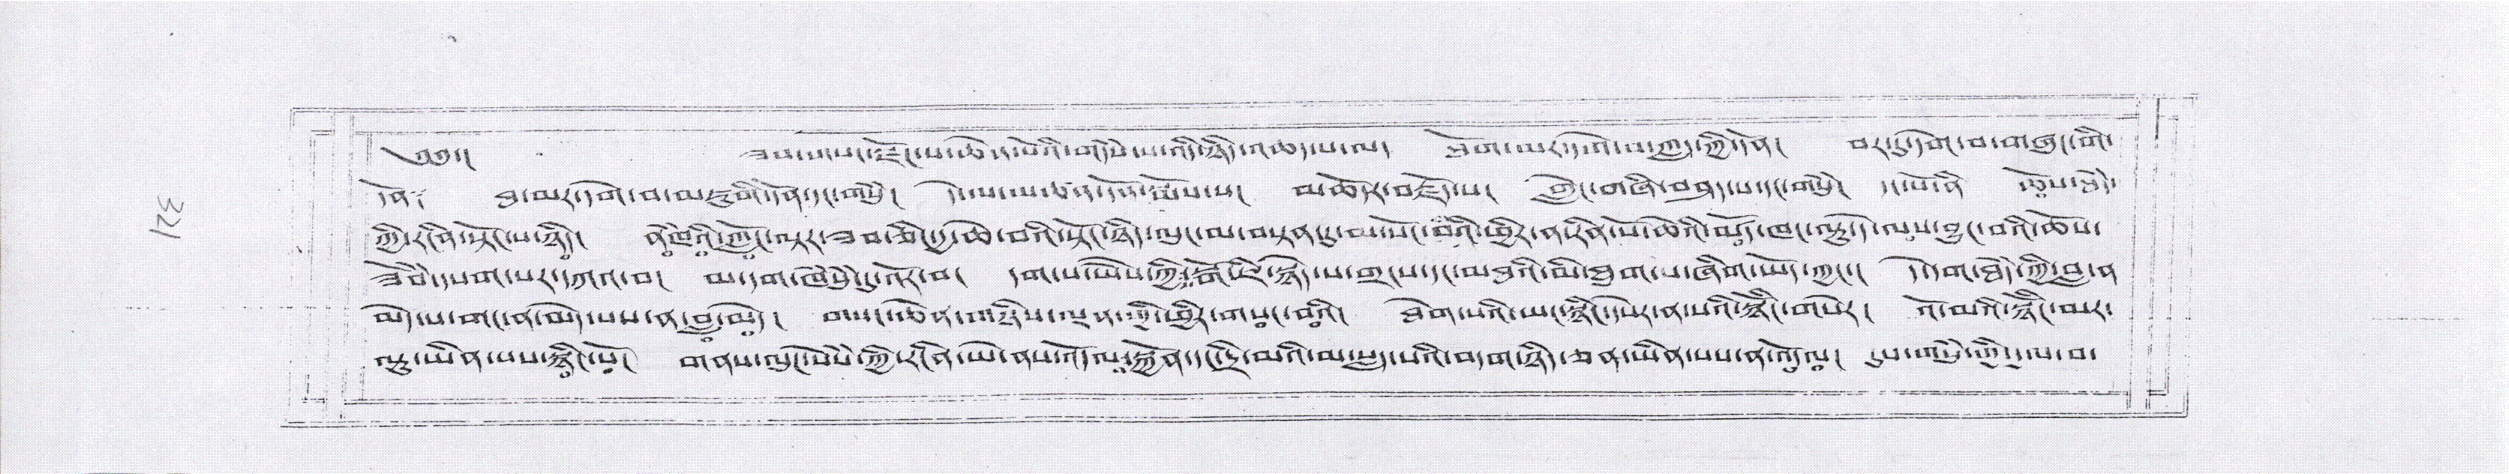༄༅།། ཟབ་གསང་རྫོགས་པ་ཆེན་པོའི་གདམས་པ་འདི་ཉིད་འཆད་པ་ལ། ཐོག་མར་དགེ་བ་ཀླད་ཀྱི་དོན། བར་དུ་དགེ་བ་གཞུང་གི་
དོན། ཐ་མར་དགེ་བ་མཇུག་གི་དོན་དང་གསུམ། དེ་ལ་མཚན་དོན་སྨོས་པ། མཆོད་པར་བརྗོད་པ། གླེང་གཞི་བཤད་པ་དང་གསུམ། དང་པོ་ནི། ཆོ༷ས་ཐམས་ཅད་
ཀྱི་རང་བཞིན་སྟོང་པ་ཉིད། ན༷མ་མཁ༷འི་ཀློ༷ང་ལྟར་ཟབ་ཅིང་རྒྱ་ཆེ་བའི་སྟོང་ཉིད་ལུང་མ་བསྟན་དུ་མ་སོང་ཕྱིར་ན་རིན་པོ་ཆེའི་མཛོ༷ད་ཁང་ལྟ་བུ་དེ་ལ༷ས་བྱུང་བའི་ཆོས་
ཟབ་མོ་དཔག་པར་དཀའ་བ། མ་དག་ཁམས་གསུམ་དུ་འཁོར་བ། དག་པ་ཡེ་ཤེས་ཀྱིས་སྒོ་ཇི་སྙེད་པ་གྲངས་དང་མཐའི་མི་ཐུག་པ་ཞིག་ཡོད་ཀྱང། དེད་དག་ཐམས་ཅད་ཀྱི་བླ་ན་
མེད་པ་གང་ན་མེད་པས་ན་བླ༷་མེ༷ད། གསང་ཆེན་གཉིས་ལྡན་གྱི་ཕྱིར་གས༷ང་བ༷འི། ཐེག་པའི་ཡང་སྙིང་དཔེར་ན་སའི་སྙིང་པོ་གསེར། འོ་མའི་སྙིང་པོ་མར་
ལྟ་བུ་ཡིན་པས་སྙི༷ང་པོ༷། གནས་ལུགས་སེམས་ཀྱི་རང་བཞིན་ཡེ་ནས་འདོལ་བ་སྐྱོན་དང་དྲི་མའི་མ་སླད་པའི་བདག་ཉིད་ཅན་ཡིན་པས་ན་འདོ༷ལ༷། དུས་གསུམ་གྱི་རྒྱལ་བ་